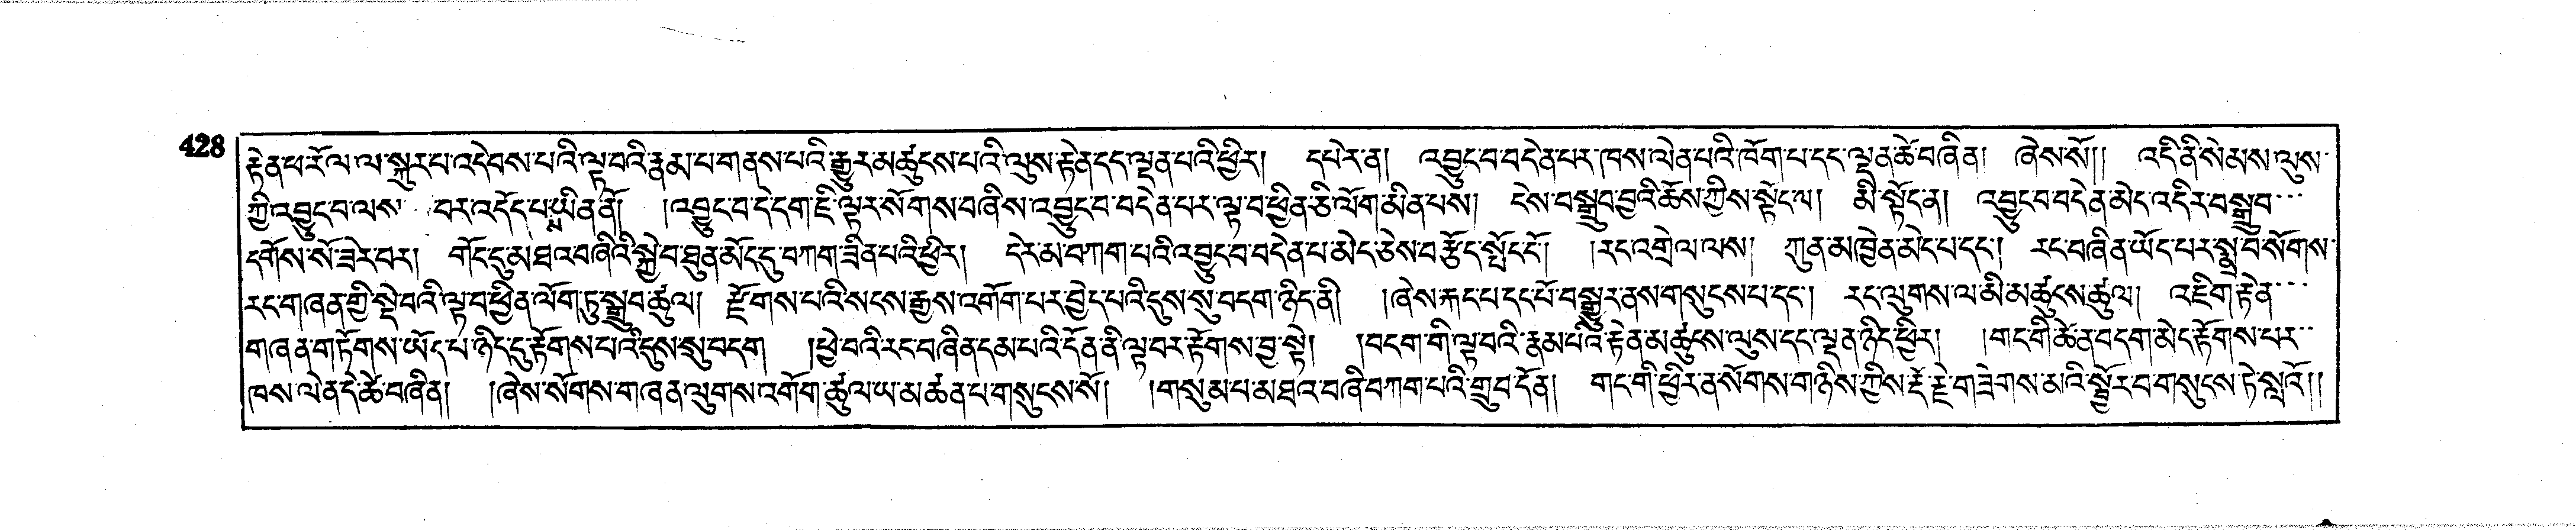རྟེན་ཕ་རོལ་ལ་སྐུར་པ་འདེབས་པའི་ལྟ་བའི་རྣམ་པ་གནས་པའི་རྒྱུར་མཚུངས་པའི་ལུས་རྟེན་དང་ལྡན་པའི་ཕྱིར། དཔེར་ན། འབྱུང་བ་བདེན་པར་ཁས་ལེན་པའི་ཁོག་པ་དང་ལྡན་ཚེ་བཞིན། ཞེས་སོ། །འདི་ནི་སེམས་ལུས་
ཀྱི་འབྱུང་བ་ལས་བར་འདོད་པས་ཡིན་ནོ། །འབྱུང་བ་དེ་དག་ཇི་ལྟར་སོགས་བཞིས་འབྱུང་བ་བདེན་པར་ལྟ་བ་ཕྱིན་ཅི་ལོག་མིན་པས། ངེས་བསྒྲུབ་བྱའི་ཆོས་ཀྱིས་སྟོང་ལ། མི་སྟོང་ན། འབྱུང་བ་བདེན་མེད་འདིར་བསྒྲུབ་
དགོས་སོ་ཟེར་བར། གོང་དུ་མཐའ་བཞིའི་སྐྱེ་བ་ཐུན་མོང་དུ་བཀག་ཟིན་པའི་ཕྱིར། དེར་མ་བཀག་པའི་འབྱུང་བ་བདེན་པ་མེད་ཅེས་བརྩོད་སྤོང་ངོ། །རང་འགྲེལ་ལས། ཀུན་མཁྱེན་མེད་པ་དང་། རང་བཞིན་ཡོང་པར་སྨྲ་བ་སོགས་
རང་གཞན་གྱི་སྡེ་བའི་ལྟ་བ་ཕྱིན་ལོག་ཏུ་སྒྲུབ་ཚུལ། རྫོགས་པའི་སངས་རྒྱས་འགོག་པར་བྱེད་པའི་དུས་སུ་བདག་ཉིད་ནི། །ཞེས་རྐང་པ་དང་པོ་བསྒྱུར་ནས་གསུངས་པ་དང་། རང་ལུགས་ལ་མི་མཚུངས་ཚུལ། འཇིག་རྟེན་
གཞན་གཏོགས་ཡོད་པ་ཉིད་དུ་རྟོགས་པའི་དུས་སུ་བདག །ཕྱེ་བའི་རང་བཞིན་དམ་པའི་དོན་ནི་ལྟ་བར་རྟོགས་བྱ་སྟེ། །བདག་གི་ལྟ་བའི་རྣམ་པའི་རྟེན་མཚུངས་ལུས་དང་ལྡན་ཉིད་ཕྱིར། །གང་གི་ཚེ་ན་བདག་མེད་རྟོགས་པར་
ཁས་ལེན་དེ་ཚེ་བཞིན། །ཞེས་སོགས་གཞན་ལུགས་འགོག་ཚུལ་ཡ་མཚན་པ་གསུངས་སོ། །གསུམ་པ་མཐའ་བཞི་བཀག་པའི་གྲུབ་དོན། གང་གི་ཕྱིར་ན་སོགས་གཉིས་ཀྱིས་རྡོ་རྗེ་གཟེགས་མའི་སྦྱོར་བ་གསུངས་ཏེ་སླའོ། །